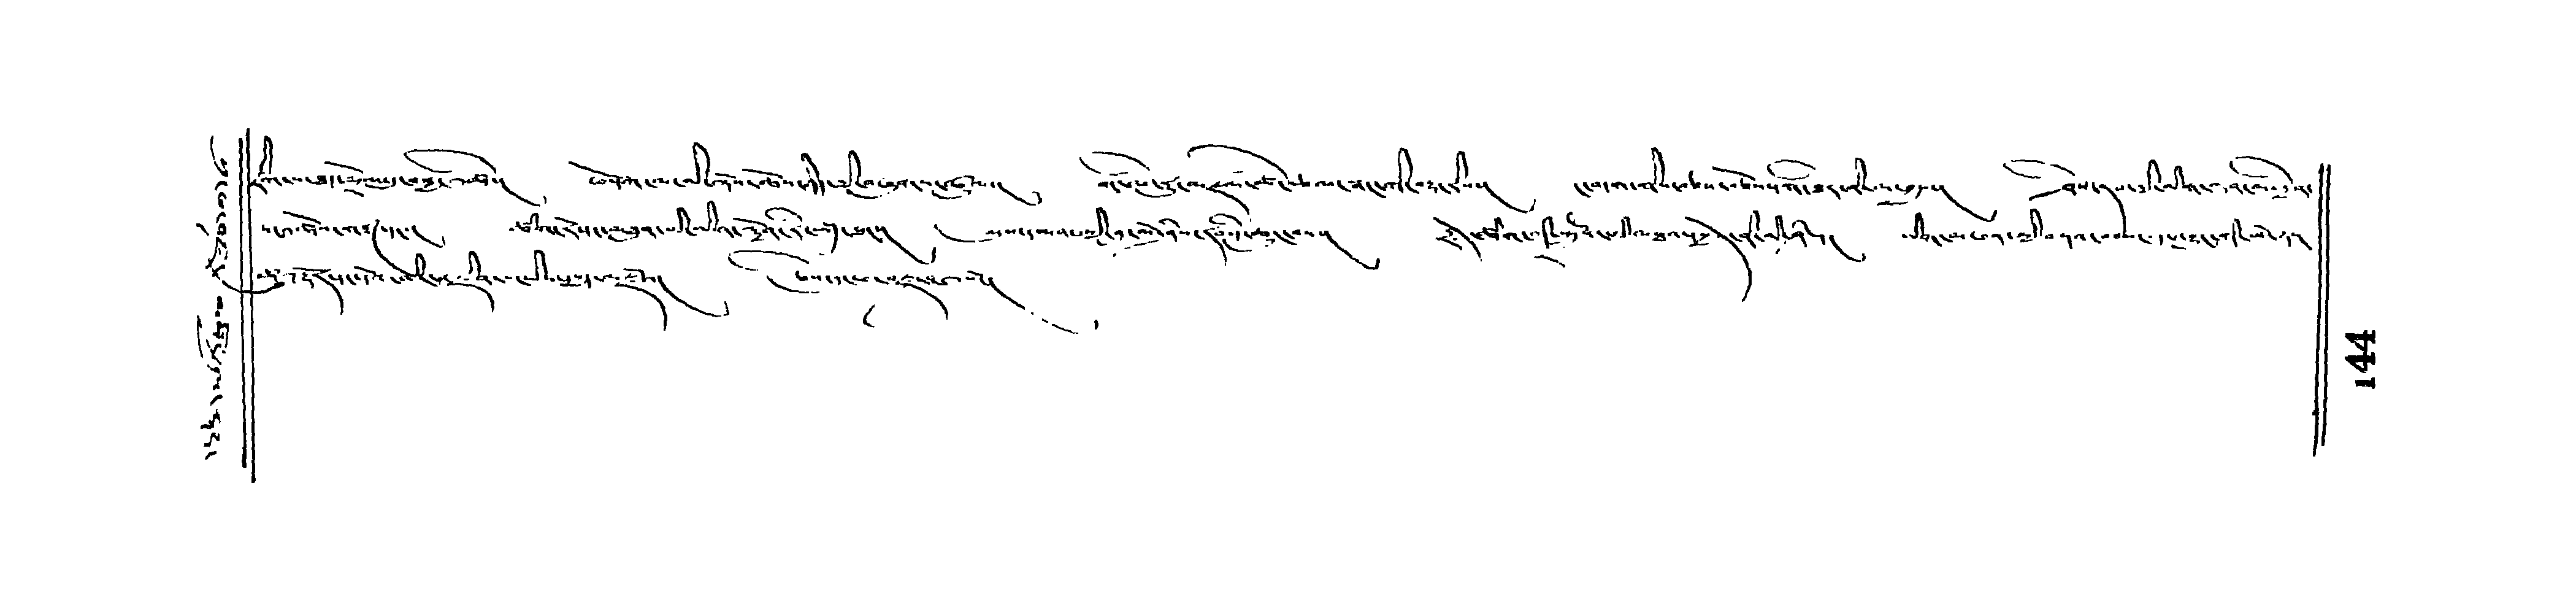རིག་པ་ཐད་གྲོལ་དུ་བསྐྱངས་ཚེ། ཁ་དོག་ལ་མི་ལྟོས་ཆོས་ཉིད་ཀྱི་བཞུགས་ཚུལ། །ག་ལེ་རུ་མཇལ་ཚེ་རྩལ་སྣང་གི་བརྡ་རིས། །ང་བདག་གིས་བཅས་བཅོས་དག་ཐེར་ནི་མ་བྱས། །ཤེས་རབ་ཀྱི་མིག་ལྡན་མཁྱེན་
ཡངས་ཚོས་གཟིགས་དང་། །ཚིག་རོ་དང་མཐུན་པའི་ཡིག་སྐྱོན་རེ་ཡོད་ཐང་། །ལུས་དམན་གྱི་བུ་མོ་ཤེས་རབ་དེ་ཆུང་བས། །རྗོད་ཚིག་གི་སྤྲོས་པའི་མཐའ་དཔྱོད་ནི་མི་ཤེས། །ཡིག་མཁན་གྱི་བཀའ་བབས་པད་འབྱུང་གི་ཕོ་ཉ། །
ཚུལ་རྡོར་དང་དོན་མིང་འཛིན་པ་ཡིས་དཔྱད་མཛོད། ཅེས་སུ་ཁ་བཛྲ་ནས་སོ།།